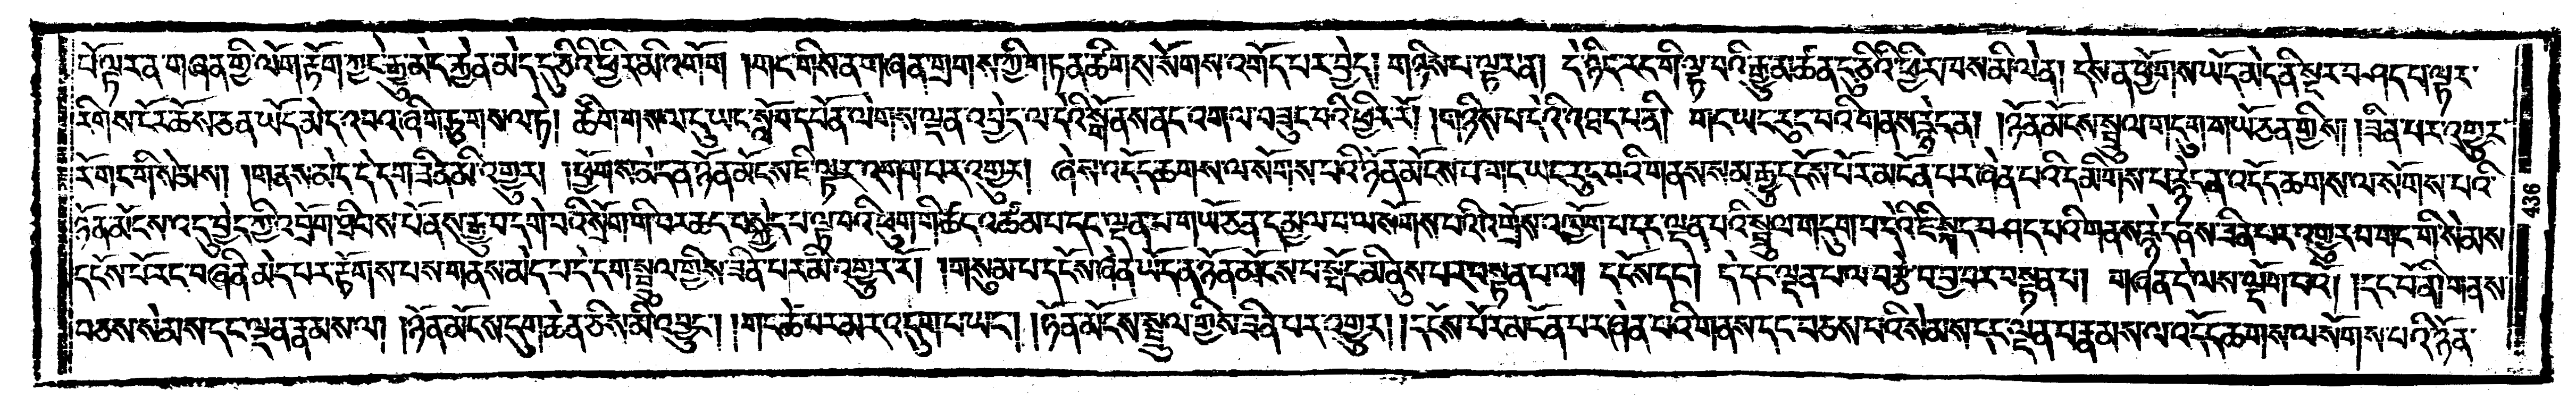པོ་ལྟར་ན་གཞན་གྱི་ལོག་རྟོག་ཀྱང་རྒྱུ་མེད་རྐྱེན་མེད་དུ་ཅིའི་ཕྱིར་མི་འགོག །གང་གིས་ན་གཞན་གྲགས་ཀྱི་གཏན་ཚིགས་སོགས་འགོད་པར་བྱེད། གཉིས་པ་ལྟར་ན། དེ་ཉིད་རང་གི་ལྟ་བའི་རྒྱུ་མཚན་དུ་ཅིའི་ཕྱིར་ཁས་མི་ལེན། དེས་ན་ཕྱོགས་ཡོད་མེད་ནི་སྔར་བཤད་པ་ལྟར་
རིགས་ངོར་ཆོས་ཅན་ཡོད་མེད་འབའ་ཞིག་ཏུ་གསལ་ཏེ། ཚིག་གསལ་དུ་ཡང་སློབ་དཔོན་ལེགས་ལྡན་འབྱེད་ལ་དེའི་སྒོ་ནས་ནང་འགལ་བཟུང་བའི་ཕྱིར་རོ། །གཉིས་པ་དེའི་འཐད་པ་ནི། གང་ཡང་རུང་བའི་གནས་རྙེད་ན། །ཉོན་མོངས་སྦྲུལ་གདུག་གཡོ་ཅན་གྱིས། །ཟིན་པར་འགྱུར་
རོ་གང་གི་སེམས། །གནས་མེད་དེ་དག་ཟིན་མི་འགྱུར། །ཕྱོགས་མེད་ན་ཉོན་མོངས་ཇི་ལྟར་འགག་པར་འགྱུར། ཞེས་འདོད་ཆགས་ལ་སོགས་པའི་ཉོན་མོངས་པ་གང་ཡང་རུང་བའི་གནས་སམ་རྒྱུ་དངོས་པོར་མངོན་པར་ཞེན་པའི་དམིགས་པ་རྙེད་ན་འདོད་ཆགས་ལ་སོགས་པའི་
ཉོན་མོངས་འདུ་བྱེད་ཀྱི་འབྲོག་ཐིབས་པོ་ནས་རྒྱུ་བ་དགེ་བའི་སྲོག་གི་བར་ཆད་བསྐྱེད་པ་ལྟ་བའི་ཕུག་གི་ཚད་འཚམ་པ་དང་ལྡན་པ་གཡོ་ཅན་དམྱལ་བ་ལ་སོགས་པའི་འགྲོས་འཁྱོག་པ་དང་ལྡན་པའི་སྦྲུལ་གདུག་པ་དེའི་ཇི་སྐད་བཤད་པའི་གནས་རྙེད་ནས་ཟིན་པར་འགྱུར་བ་གང་གི་སེམས་
དངོས་པོ་རང་བཞིན་མེད་པར་རྟོགས་པས་གནས་མེད་པ་དེ་དག་སྦྲུལ་གྱིས་ཟིན་པར་མི་འགྱུར་རོ། །གསུམ་པ་དངོས་ཞེན་ཡོད་ན་ཉོན་མོངས་པ་སྤོང་མི་ནུས་པར་བསྟན་པ་ལ། དངོས་དང་། དེ་དང་ལྡན་པ་ལ་བརྩེ་བ་བྱ་བར་བསྟན་པ། གཞན་དེ་ལས་ལྡོག་པའོ། །དང་པོ་ནི། གནས་
བཅས་སེམས་དང་ལྡན་རྣམས་ལ། །ཉོན་མོངས་དུག་ཆེན་ཅིས་མི་འབྱུང་། །གང་ཚེ་བར་མར་འདུག་པ་ཡང་། །ཉོན་མོངས་སྦྲུལ་གྱིས་ཟིན་པར་འགྱུར། །དངོས་པོར་མངོན་པར་ཞེན་པའི་གནས་དང་བཅས་པའི་སེམས་དང་ལྡན་པ་རྣམས་ལ་འདོད་ཆགས་ལ་སོགས་པའི་ཉོན་